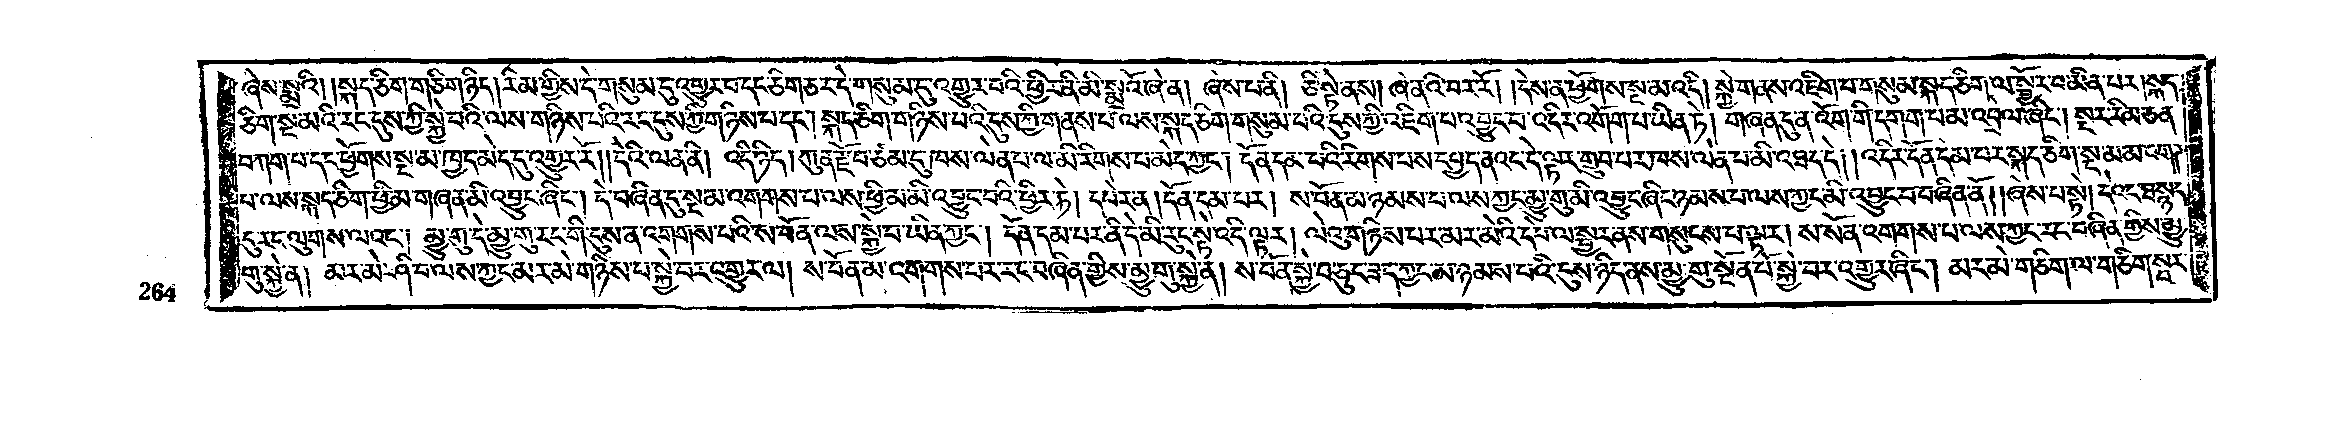ཞེས་སྨྲའི། །སྐད་ཅིག་གཅིག་ཉིད། རིམ་གྱིས་དེ་གསུམ་དུ་འགྱུར་བ་དང་ཅིག་ཅར་དེ་གསུམ་དུ་འགྱུར་བའི་ཕྱིར་ནི་མི་སྨྲའོ་ཞེས་ན། ཞེས་པ་ནི། ཅི་སྟེ་ནས། ཞེ་ནའི་བར་རོ། །དེས་ན་ཕྱོགས་སྔ་མ་འདི། སྐྱེ་གནས་འཇིག་པ་གསུམ་སྐད་ཅིག་ལ་སྦྱོར་བ་མིན་པར། སྐད་
ཅིག་སྔ་མའི་རང་དུས་ཀྱི་སྐྱེ་བའི་ལས་གཉིས་པའི་རང་དུས་ཀྱི་གཉིས་པ་དང་། སྐད་ཅིག་གཉིས་པའི་དུས་ཀྱི་གནས་པ་ལས་སྐད་ཅིག་གསུམ་པའི་དུས་ཀྱི་འཇིག་པ་འབྱུང་བ་འདིར་འགོག་པ་ཡིན་ཏེ། གཞན་དུ་ན་འོག་གི་དགག་པ་མ་འབྲེལ་ཞིང་། སྔར་རིམ་ཅན་
བཀག་པ་དང་ཕྱོགས་སྔ་མ་ཁྱད་མེད་དུ་འགྱུར་རོ། །དེའི་ལན་ནི། འདི་ཉིད། ཀུན་རྫོབ་ཙམ་དུ་ཁས་ལེན་པ་ལ་མི་རིགས་པ་མེད་ཀྱང་། དོན་དམ་པའི་རིགས་པས་དཔྱད་ནའང་དེ་ལྟར་གྲུབ་པར་ཁས་ལེན་པ་མི་འཐད་དེ། །འདིར་དོན་དམ་པར་སྐད་ཅིག་སྔ་མ་མ་འགགས་
པ་ལས་སྐད་ཅིག་ཕྱི་མ་གཞན་མི་འབྱུང་ཞིང་། དེ་བཞིན་དུ་སྔ་མ་འགགས་པ་ལས་ཕྱི་མ་མི་འབྱུང་བའི་ཕྱིར་ཏེ། དཔེར་ན། དོན་དམ་པར། ས་བོན་མ་ཉམས་པ་ལས་ཀྱང་མྱུ་གུ་མི་འབྱུང་ཞིང་ཉམས་པ་ལས་ཀྱང་མི་འབྱུང་བ་བཞིན་ནོ། །ཞེས་པ་སྟེ། དེའང་ཐ་སྙད་
དུ་རང་ལུགས་ལའང་། མྱུ་གུ་དེ་མྱུ་གུ་རང་གི་དུས་ན་འགགས་པའི་ས་བོན་ལས་སྐྱེ་བ་ཡིན་ཀྱང་། དོན་དམ་པར་ནི་དེ་མི་རུང་སྟེ་འདི་ལྟར། ལེའུ་གཉིས་པར་མར་མེའི་དཔེ་ལ་སྦྱར་ནས་གསུངས་པ་ལྟར། ས་བོན་འགགས་པ་ལས་ཀྱང་རང་བཞིན་གྱིས་མྱུ་
གུ་སྐྱེ་ན། མར་མེ་ཤི་བ་ལས་ཀྱང་མར་མེ་གཉིས་པ་སྐྱེ་བར་འགྱུར་ལ། ས་བོན་མ་འགགས་པར་རང་བཞིན་གྱིས་མྱུ་གུ་སྐྱེ་ན། ས་བོན་སྐྱེ་བ་ཅུང་ཟད་ཀྱང་མ་ཉམས་པའི་དུས་ཉིད་ནས་མྱུ་གུ་སྔོན་པོ་སྐྱེ་བར་འགྱུར་ཞིང་། མར་མེ་གཅིག་ལ་གཅིག་སྦར་